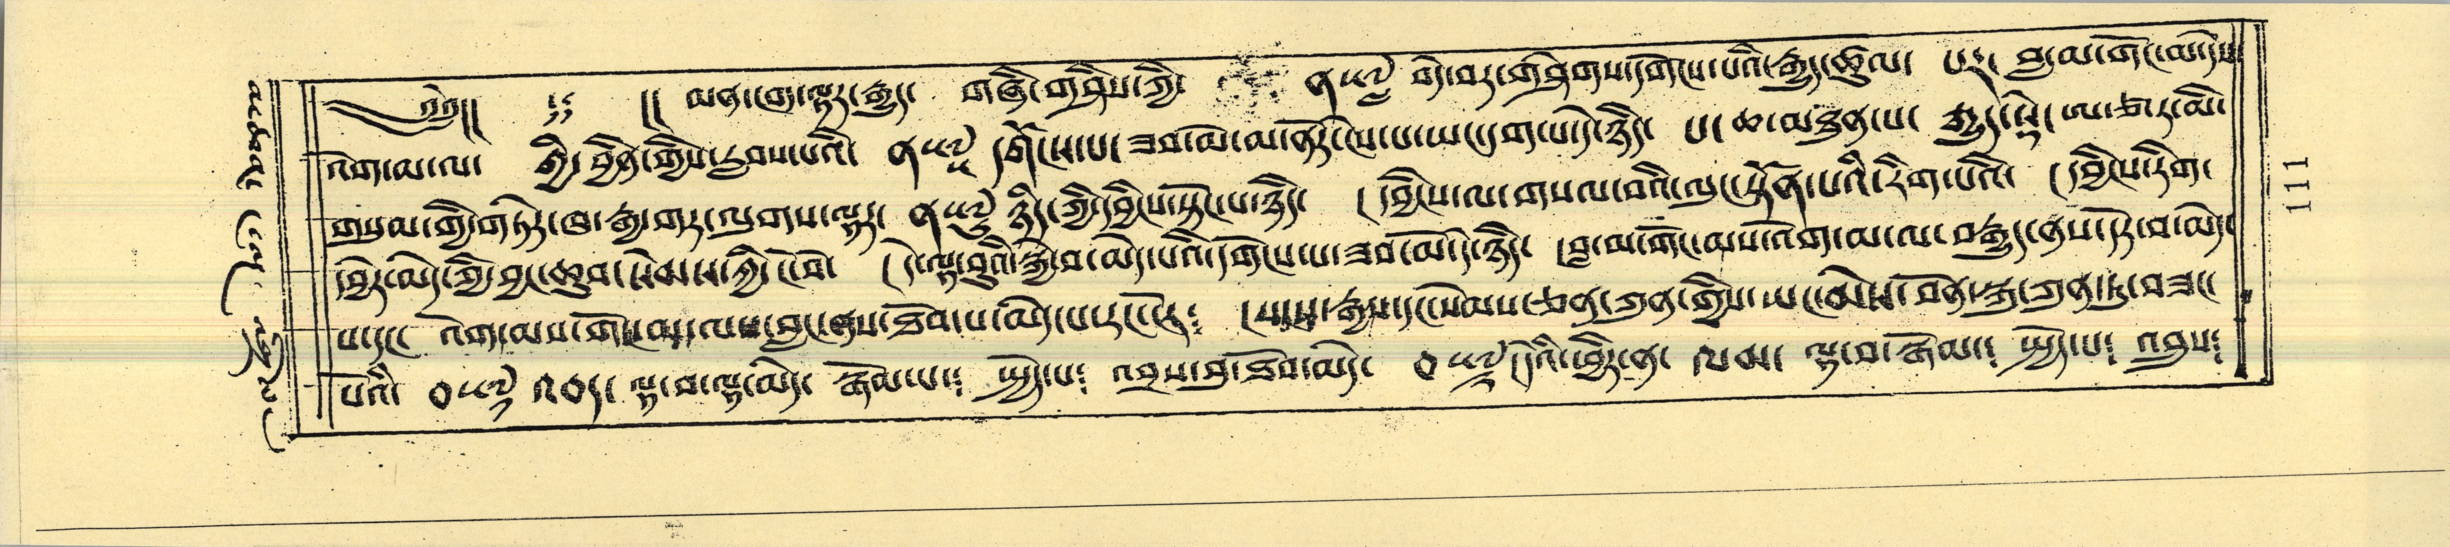མན་ངག་ལྟར་རྒྱུད་ གཞི་གཤིས་ཀྱི་ ན༥༧།༤བདེ་བར་གཤེགས་པའི་དགོངས་རྒྱུད་ཚུལ་༼པར༽བླ་མ་གོང་མ་དེས་
འོག་མ་ལ་༼གྱི༽བྱིན་གྱིས་བརླབས་པའི་ ན༥༧།༥༼དགོངས་པ༽ཟབ་མོ་མ་ནོར་ངེས་པ་ཡང་དག་པ་དེ་ཉིད་༼པ༽ཆ་མཐུན་པ་༼རྒྱུད་སྡེ༽ ཨ་ཙ་ར་མི་
གསུམ་གྱི་གཏེར་ཁ་རྒྱ་གར་ལུགས་ལྟར་ ན༥༧།༦ཉིད་ཀྱི་དབྱིངས་སྟོང་པ་ཉིད་ དབྱིངས་ལ་གསལ་བའི་ལུང་སྟོན་པའི་རིག་པའི་ དབྱིངས་རིག་
དབྱེར་མེད་ཀྱི་བྱང་ཆུབ་ཀྱི་༼སེམས༽ཀྱི་ངོ་བོ་ དེ་ལྟ་བུའི་སྐྱེ་བ་མེད་པའི་དགོངས་པ་ཟབ་མོ་དེ་ཉིད་ བླ་མ་གོང་མས་འོག་མ་ལ་བརྒྱུད་ནས་དོར་བ་མེད་
པ་དང་། འོག་མས་གོང་མ་ལས་བླངས་ནས་ཐོབ་པ་མེད་པ་རང་ངོར། སངས་རྒྱས་དང་སེམས་ཅན་ཀུན་གྱི་༼ཡང༽མེས་བོན་སྐུ་ཀུན་ཏུ་བཟང་
པོའི་ བ༥༧།༡༼འབད༽ལྟ་བ་མེད། སྒོམ་པ༑ སྤྱོད་པ༑ འབྲས་བུ་ཐོབ་མེད་བ༥༧།༢ དེའི་ཕྱིར་ན་༼ལམ༽ལྟ་བ་སྒོམ་སྤྱོད་པ་འབྲས་བུ་